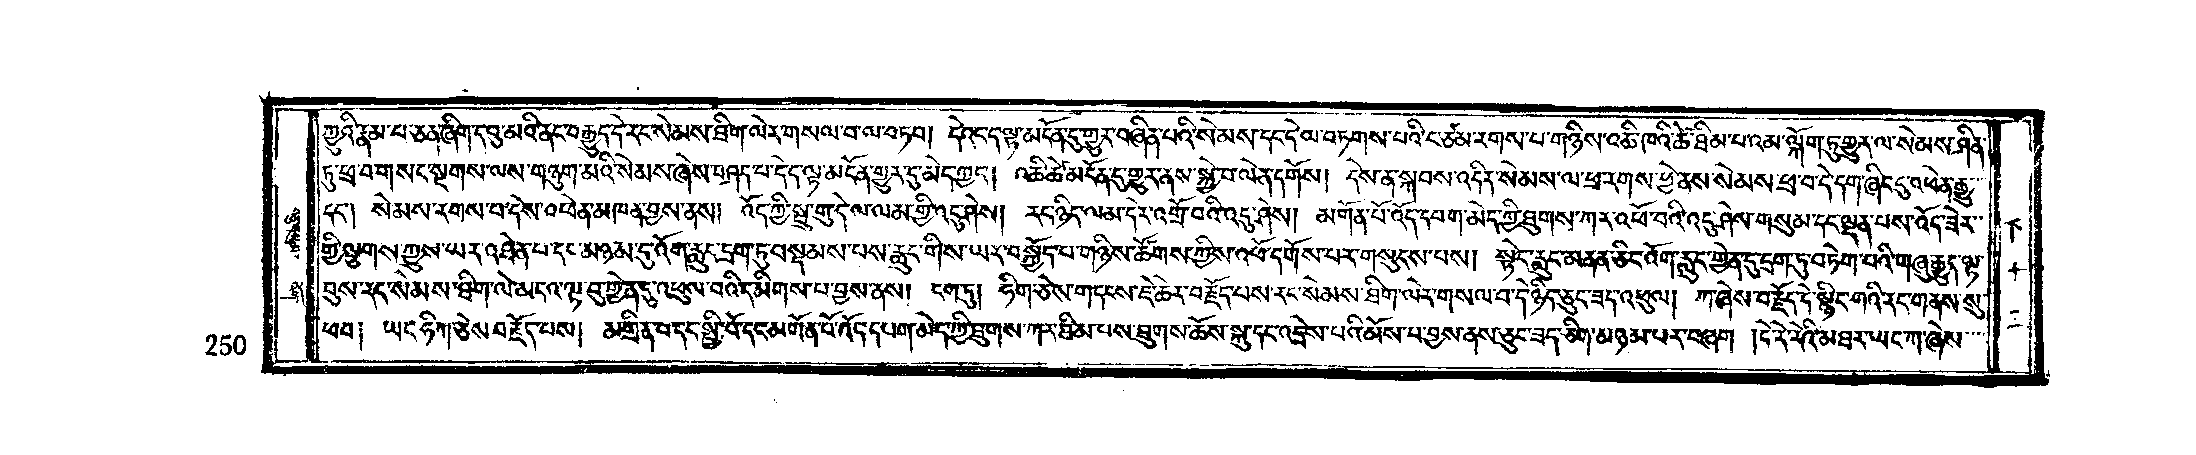ཀྱུའི་རྣམ་པ་ཅན་ཞིག་དབུ་མའི་ནང་བརྒྱུད་དེ་རང་སེམས་ཐིག་ལེར་གསལ་བ་ལ་བཏབ། དེའང་ད་ལྟ་མངོན་དུ་གྱུར་བཞིན་པའི་སེམས་དང་དེ་ལ་བཏགས་པའི་ང་ཙམ་རགས་པ་གཉིས་འཆི་ཁའི་ཚེ་ཐིམ་པའམ་ལྐོག་ཏུ་གྱུར་ལ་སེམས་ཤིན་
ཏུ་ཕྲ་བ་གསང་སྔགས་ལས་གཉུག་མའི་སེམས་ཞེས་བཤད་པ་དེ་ད་ལྟ་མངོན་གྱུར་དུ་མེད་ཀྱང་། འཆི་ཚེ་མངོན་དུ་གྱུར་ནས་སྐྱེ་བ་ལེན་དགོས། དེས་ན་སྐབས་འདིར་སེམས་ལ་ཕྲ་རགས་ཕྱེ་ནས་སེམས་ཕྲ་བ་དེ་དག་ཞིང་དུ་འཕེན་རྒྱུ་
དང་། སེམས་རགས་པ་དེས་འཕེན་མཁན་བྱས་ནས། འོད་ཀྱི་སྦུ་གུ་དེ་ལ་ལམ་གྱི་འདུ་ཤེས། རང་ཉིད་ལམ་དེར་འགྲོ་བའི་འདུ་ཤེས། མགོན་པོ་འོད་དཔག་མེད་ཀྱི་ཐུགས་ཀར་འཕོ་བའི་འདུ་ཤེས་གསུམ་དང་ལྡན་པས་འོད་ཟེར་
གྱི་ལྕགས་ཀྱུས་ཡར་འཐེན་པ་དང་མཉམ་དུ་འོག་རླུང་དྲག་ཏུ་བསྡམས་པས་རླུང་གིས་ཡར་བསྐྱོད་པ་གཉིས་ཚོགས་ཀྱིས་འཕོ་དགོས་པར་གསུངས་པས། སྟེང་རླུང་མནན་ཅིང་འོག་རླུང་གྱེན་དུ་དྲག་ཏུ་བཏེག་པའི་གཞུ་རྒྱུད་ལྟ་
བུས་རང་སེམས་ཐིག་ལེ་མངའ་ལྟ་བུ་གྱེན་དུ་འཕུལ་བའི་དམིགས་པ་བྱས་ནས། ངག་ཏུ། ཧིག་ཅེས་གདངས་ཇེ་ཆེར་བརྗོད་པས་རང་སེམས་ཐིག་ལེར་གསལ་བ་དེ་ཉིད་ཅུང་ཟད་འཕུལ། ཀ་ཞེས་བརྗོད་དེ་སྙིང་གའི་རང་གནས་སུ་
ཕབ། ཡང་ཧིཀ་ཅེས་བརྗོད་པས། མགྲིན་པ་དང་སྤྱི་བོ་དང་མགོན་པོ་འོད་དཔག་མེད་ཀྱི་ཐུགས་ཀར་ཐིམ་པས་ཐུགས་ཆོས་སྐུ་དང་འདྲེས་པའི་མོས་པ་བྱས་ནས་ཅུང་ཟད་ཅིག་མཉམ་པར་བཞག །དེ་རེ་རེའི་མཐར་ཡང་ཀ་ཞེས་